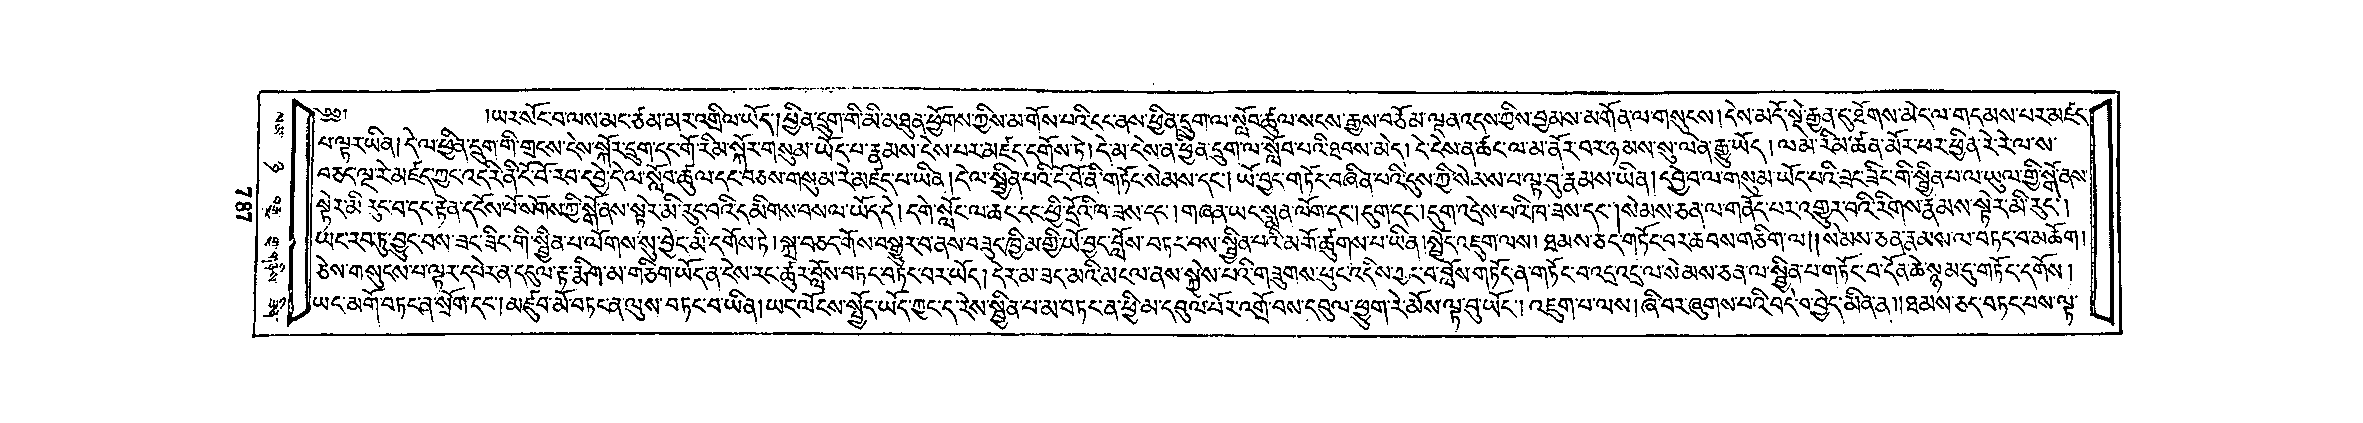༄༅། །ཡར་སོང་བ་ལས་མང་ཙམ་མར་འགྲིལ་ཡོད། ཕྱིན་དྲུག་གི་མི་མཐུན་ཕྱོགས་ཀྱིས་མ་གོས་པའི་ངང་ནས་ཕྱིན་དྲུག་ལ་སློབ་ཚུལ་སངས་རྒྱས་བཅོམ་ལྡན་འདས་ཀྱིས་བྱམས་མགོན་ལ་གསུངས། དེས་མདོ་སྡེ་རྒྱན་དུ་ཐོགས་མེད་ལ་གདམས་པར་མཛད་
པ་ལྟར་ཡིན། དེ་ལ་ཕྱིན་དྲུག་གི་གྲངས་ངེས་སྐོར་དྲུག་དང་གོ་རིམ་སྐོར་གསུམ་ཡོད་པ་རྣམས་ངེས་པར་མཛད་དགོས་ཏེ། དེ་མ་ངེས་ན་ཕྱིན་དྲུག་ལ་སློབ་པའི་ཐབས་མེད། དེ་དེས་ན་ཚང་ལ་མ་ནོར་བར་ཉམས་སུ་ལེན་རྒྱུ་ཡོད། ལམ་རིམ་ཚན་མོར་ཕར་ཕྱིན་རེ་རེ་ལ་ས་
བཅད་ལྔ་རེ་མཛད་ཀྱང་འདིར་ནི་ངོ་བོ་རབ་དབྱེ་དེ་ལ་སློབ་ཚུལ་དང་བཅས་གསུམ་རེ་མཛད་པ་ཡིན། དེ་ལ་སྦྱིན་པའི་ངོ་བོ་ནི་གཏོང་སེམས་དང་། ཡོ་བྱད་གཏོང་བཞིན་པའི་དུས་ཀྱི་སེམས་པ་ལྟ་བུ་རྣམས་ཡིན། དབྱེ་བ་ལ་གསུམ་ཡོད་པའི་ཟང་ཟིང་གི་སྦྱིན་པ་ལ་ཡུལ་གྱི་སྒོ་ནས་
སྟེར་མི་རུང་བ་དང་རྟེན་དངོས་པོ་སོགས་ཀྱི་སྒོ་ནས་སྟེར་མི་རུང་བའི་དམིགས་བསལ་ཡོད་དེ། དགེ་སློང་ལ་ཆང་དང་ཕྱི་དྲོའི་ཁས་ཟས་དང་། གཞན་ཡང་སྨན་ལོག་དང་། དུག་དང་། དུག་འདྲེས་པའི་ཁ་ཟས་དང་། སེམས་ཅན་ལ་གནོད་པར་འགྱུར་བའི་རིགས་རྣམས་སྟེར་མི་རུང་།
ཡང་རབ་ཏུ་བྱུང་བས་ཟང་ཟིང་གི་སྦྱིན་པ་ལོགས་སུ་བྱེད་མི་དགོས་ཏེ། སྐྲ་བཅད་གོས་བསྒྱུར་བ་ནས་བཟུང་ཁྱིམ་གྱི་ཡོ་བྱད་བློས་བཏང་བས་སྦྱིན་པའི་མགོ་ཚུགས་པ་ཡིན། སྤྱོད་འཇུག་ལས། ཐམས་ཅད་གཏོང་བར་ཆབས་གཅིག་ལ། །སེམས་ཅན་རྣམས་ལ་བཏང་བ་མཆོག །
ཅེས་གསུངས་པ་ལྟར་དཔེར་ན་དངུལ་རྟ་རྨིག་མ་གཅིག་ཡོད་ན་ངེས་རང་ཚུར་བློས་བཏང་བཏང་བར་ཡོད། དེར་མ་ཟད་མའི་མངལ་ནས་སྐྱེས་པའི་གཟུགས་ཕུང་འདིས་ཀྱང་བ་བློས་གཏོང་ན་གཏོང་བ་འདྲ་འདྲ་ལ་སེམས་ཅན་ལ་སྦྱིན་པ་གཏོང་བ་དོན་ཆེ་སྙམ་དུ་གཏོང་དགོས།
ཡང་མགོ་བཏང་ན་སྲོག་དང་། མཛུབ་མོ་བཏང་ན་ལུས་བཏང་བ་ཡིན། ཡང་ལོངས་སྤྱོད་ཡོད་ཀྱང་ད་རེས་སྦྱིན་པ་མ་བཏང་ན་ཕྱི་མ་དབུལ་པོར་འགྲོ་བས་དབུལ་ཕྱུག་རེ་མོས་ལྟ་བུ་ཡོང་། འཇུག་པ་ལས། ཞི་བར་ཞུགས་པའི་བདེ་བ་བྱེད་མིན་ན། །ཐམས་ཅད་བཏང་པས་ལྟ་